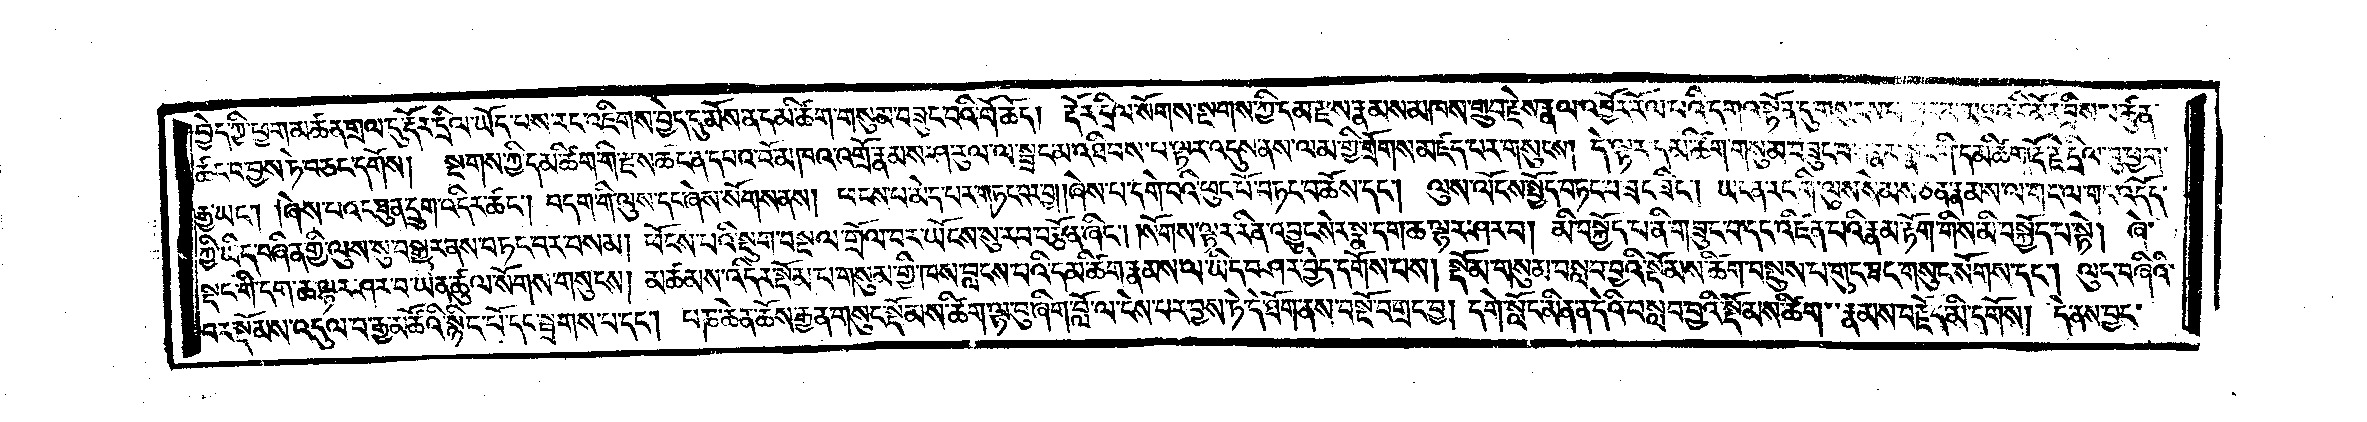བྱེད་ཀྱི་ཕྱག་མཚན་གྲལ་དུ་རྡོར་དྲིལ་ཡོད་པས་རང་འཇིགས་བྱེད་དུ་མོས་ན་དམ་ཚིག་གསུམ་བཟུང་པའི་གོ་ཆོད། རྡོར་དྲིལ་སོགས་སྔགས་ཀྱི་དམ་རྫས་རྣམས་མཁས་གྲུབ་རྗེས་རྣལ་འབྱོར་རོལ་པའི་དགའ་སྟོན་དུ་གསུངས་པ་ལྟར་མ་མཐའ་རི་མོར་བྲིས་པ་ཚུན་
ཚང་བ་བྱས་ཏེ་བཅང་དགོས། སྔགས་ཀྱི་དམ་ཚིག་གི་རྫས་ཚང་ན་དཔའ་བོ་མཁའ་འགྲོ་རྣམས་ཤ་རུལ་ལ་སྦྲང་མ་འཐིབས་པ་ལྟར་འདུས་ནས་ལམ་གྱི་གྲོགས་མཛད་པར་གསུངས། དེ་ལྟར་དམ་ཚིག་གསུམ་བཟུང་པས་རྣམ་སྣང་གི་དམ་ཚིག་རྡོ་རྗེ་དྲིལ་བུ་ཕྱག་
རྒྱ་ཡང་། །ཞེས་པའང་ཐུན་དྲུག་འདིར་ཚང་། བདག་གི་ལུས་དང་ཞེས་སོགས་ནས། ཕངས་པ་མེད་པར་གཏང་བར་བྱ། །ཞེས་པ་དགེ་བའི་ཕུང་པོ་བཏང་བ་ཆོས་དང་། ལུས་ལོངས་སྤྱོད་བཏང་བ་ཟང་ཟིང་། ཡང་ན་རང་གི་ལུས་སེམས་ཅན་རྣམས་ལ་གང་ལ་གང་འདོད་
ཀྱི་ཡིད་བཞིན་གྱི་ལུས་སུ་བསྒྱུར་ནས་བཏང་བར་བསམ། ཕོངས་པའི་སྡུག་བསྔལ་གྲོལ་བར་ཡོངས་སུ་རབ་བརྩོན་ཞིང་། །སོགས་ལྟར་རིན་འབྱུང་སེར་སྣ་དག་ཆ་ལྷར་ཤར་བ། མི་བསྐྱོད་པ་ནི་གཟུང་བ་དང་འཛིན་པའི་རྣམ་རྟོག་གིས་མི་བསྐྱོད་པ་སྟེ། ཞེ་
སྡང་གི་དག་ཆ་ལྷར་ཤར་བ་ཡིན་ཚུལ་སོགས་གསུངས། མཚམས་འདིར་སྡོམ་པ་གསུམ་གྱི་ཁས་བླངས་པའི་དམ་ཚིག་རྣམས་ལ་ཡིད་བཤར་བྱེད་དགོས་པས། སྡོམ་གསུམ་བསླབ་བྱའི་སྡོམས་ཚིག་བསྡུས་པ་གུང་ཐང་གསུང་སོགས་དང་། ལུང་བཞིའི་
བར་སྡོམས་འདུལ་བ་རྒྱ་མཚོའི་སྙིང་པོ་དང་སྦྲགས་པ་དང་། པཎ་ཆེན་ཆོས་རྒྱན་གསུང་སྡོམས་ཚིག་ལྟ་བུ་ཞིག་བློ་ལ་ངེས་པར་བྱས་ཏེ་དེ་ཐོག་ནས་བསྔོ་བགྲང་བྱ། དགེ་སློང་མིན་ན་དེའི་བསླབ་བྱའི་སྡོམས་ཚིགས་རྣམས་བརྗོད་མི་དགོས། དེ་ནས་བྱང་